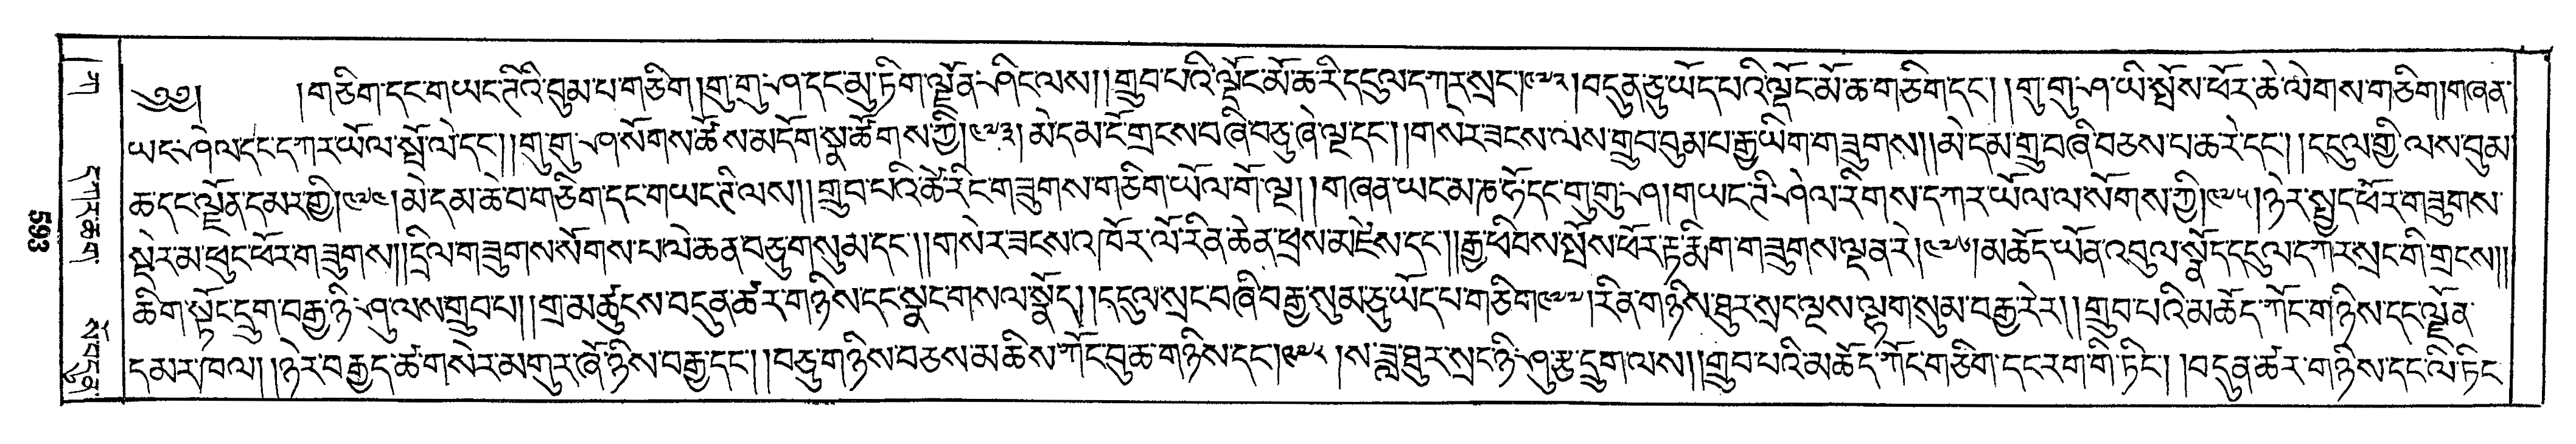༄༅། །གཅིག་དང་གཡང་ཊིའི་བུམ་པ་གཅིག །གུ་གུ་ཤ་དང་མུ་ཏིག་ལྗོན་ཤིང་ལས། །གྲུབ་པའི་ལྡོང་མོ་ཆ་རེ་དངུལ་དཀར་སྲང་། ༤༧༢་།བདུན་ཅུ་ཡོད་པའི་ལྡོང་མོ་ཆ་གཅིག་དང་། །གུ་གུ་ཤ་ཡི་སྤོས་ཕོར་ཆེ་ལེགས་གཅིག །གཞན་
ཡང་ཤེལ་དང་དཀར་ཡོལ་སྦོ་ལེ་དང་། །གུ་གུ་ཤ་སོགས་ཚོས་མདོག་སྣ་ཚོགས་ཀྱི། ༤༢༣་།མེ་དམ་ངོ་གྲངས་བཞི་བཅུ་ཞེ་ལྔ་དང་། །གསེར་ཟངས་ལས་གྲུབ་བུམ་པ་རྒྱ་ཡིག་གཟུགས། །མེ་དམ་གྲུ་བཞི་བཅས་པ་ཆ་རེ་དང་། །དངུལ་གྱི་ལས་བུམ་
ཆ་དང་ལྗོན་དམར་གྱི། ༤༧༤་།མེ་དམ་ཆེ་བ་གཅིག་དང་གཡང་ཊི་ལས། །གྲུབ་པའི་ཚེ་རིང་གཟུགས་གཅིག་ཡོལ་གོ་ལྔ། །གཞན་ཡང་མ་ཎ་ཧོ་དང་གུ་གུ་ཤ་།གཡང་ཊི་ཤེལ་རིགས་དཀར་ཡོལ་ལ་སོགས་ཀྱི། ༤༢༥་།ཉེར་སྦྱད་ཕོར་གཟུགས་
སྡེར་མ་ཕུད་ཕོར་གཟུགས། །དྲིལ་གཟུགས་སོགས་པ་ལེ་ཚན་བཅུ་གསུམ་དང་། །གསེར་ཟངས་འཁོར་ལོ་རིན་ཆེན་ཕྲས་མཛེས་དང་། །རྒྱ་ཕིབས་སྤོས་ཕོར་རྟ་རྨིག་གཟུགས་ལྡན་རེ། ༤༧༦་།མཆོད་ཡོན་འབུལ་སྣོད་དངུལ་དཀར་སྲང་གི་གྲངས།།
ཆིག་སྟོང་དྲུག་བརྒྱ་ཉི་ཤུ་ལས་གྲུབ་པ། །གྲ་མཚུངས་བདུན་ཚར་གཉིས་དང་སྣང་གསལ་སྣོད། །དངུལ་སྲང་བཞི་བརྒྱ་སུམ་ཅུ་ཡོད་པ་གཅིག ༤༧༧་།རིན་གཉིས་ཐུར་སྲང་ལྔས་ལྷག་སུམ་བརྒྱ་རེར། །གྲུབ་པའི་མཆོད་ཀོང་གཉིས་དང་ལྗོན་
དམར་ཁལ། །ཉེར་བརྒྱད་ཚ་གསེར་མགུར་ཞོ་ཉིས་བརྒྱ་དང་། །བཅུ་གཉིས་བཅས་མཆིས་ཀོང་བུ་ཆ་གཉིས་དང་། ༤༧༨་།ས་ཟླ་ཐུར་སྲང་ཉི་ཤུ་རྩ་དྲུག་ལས། །གྲུབ་པའི་མཆོད་ཀོང་གཅིག་དང་རག་གི་ཏིང་། །བདུན་ཚར་གཉིས་དང་ལི་ཏིང་